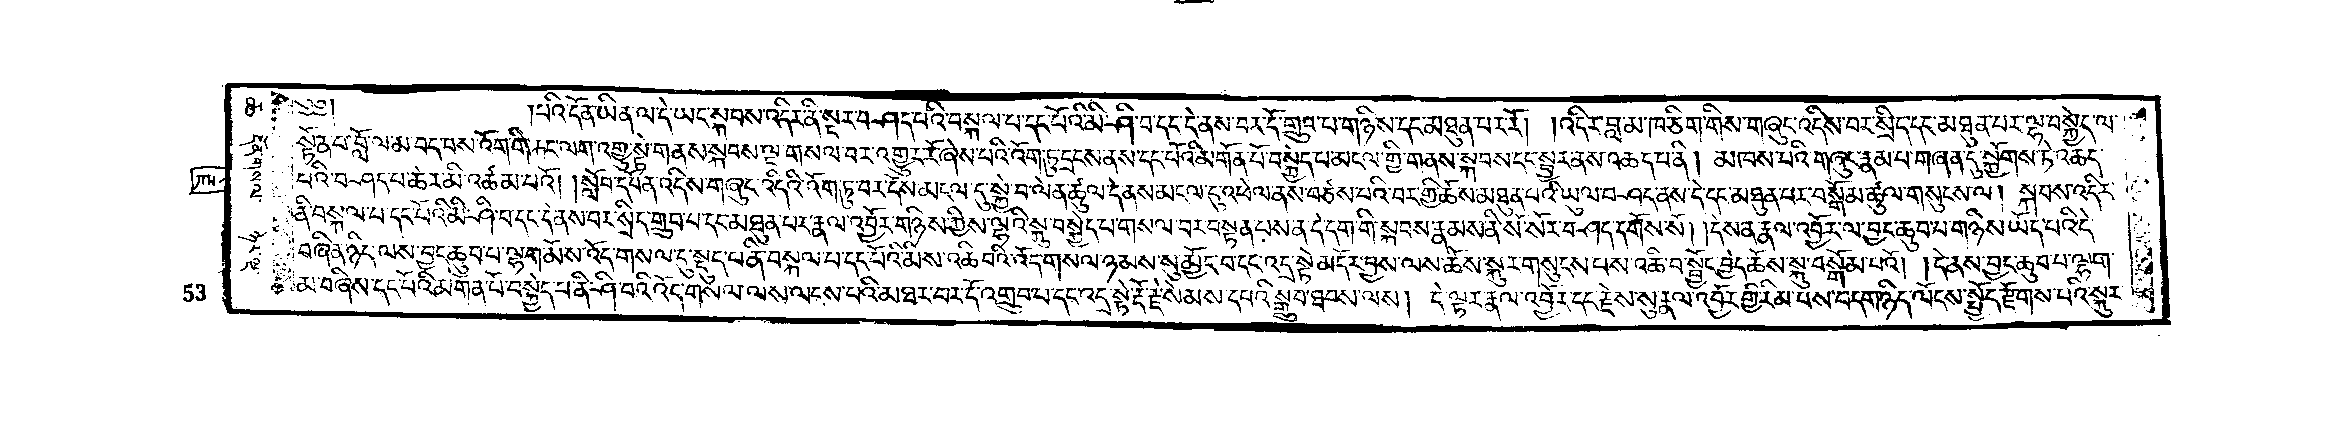༄༅། །པའི་དོན་ཡིན་ལ་དེ་ཡང་སྐབས་འདིར་ནི་སྔར་བཤད་པའི་བསྐལ་པ་དང་པོའི་མི་ཤི་བ་དང་དེ་ནས་བར་དོ་གྲུབ་པ་གཉིས་དང་མཐུན་པར་རོ། །འདིར་བླ་མ་ཁ་ཅིག་གིས་གཞུང་འདིས་བར་སྲིད་དང་མཐུན་པར་ལྷ་བསྐྱེད་ལ་
སྟོན་པ་བློ་ལ་མ་བདེ་བས་འོག་གི་རྐང་ལག་འགྱུ་སྟེ་གནས་སྐབས་ལྔ་གསལ་བར་འགྱུར་རོ་ཞེས་པའི་འོག་ཏུ་དྲངས་ནས་དང་པོའི་མགོན་པོ་བསྐྱེད་པ་མངལ་གྱི་གནས་སྐབས་དང་སྦྱར་ནས་འཆད་པ་ནི། མཁས་པའི་གཞུང་རྣམ་པ་གཞན་དུ་སྐྱོགས་ཏེ་འཆད་
པའི་བཤད་པ་ཚར་མི་འཚམ་པའོ། །སློབ་དཔོན་འདིས་གཞུང་འདིའི་འོག་ཏུ་བར་དོས་མངལ་དུ་སྐྱེ་བ་ལེན་ཚུལ་དེ་ནས་མངལ་དུ་འཕེལ་ནས་བཙས་པའི་བར་གྱི་ཆོས་མཐུན་པའི་ཡུལ་བཤད་ནས་དེ་དང་མཐུན་པར་བསྒོམ་ཚུལ་གསུངས་ལ། སྐབས་འདིར་
ནི་བསྐལ་པ་དང་པོའི་མི་ཤི་བ་དང་དེ་ནས་བར་སྲིད་གྲུབ་པ་དང་མཐུན་པར་རྣལ་འབྱོར་གཉིས་ཀྱིས་ལྷའི་སྐུ་བསྐྱེད་པ་གསལ་བར་བསྟན་པས་ན་དེ་དག་གི་སྐབས་རྣམས་ནི་སོ་སོར་བཤད་དགོས་སོ། །དེས་ན་རྣལ་འབྱོར་ལ་བྱང་ཆུབ་པ་གཉིས་ཡོད་པའི་དེ་
བཞིན་ཉིད་ལས་བྱང་ཆུབ་པ་ལྷག་མོས་འོད་གསལ་དུ་སྡུད་པ་ནི་བསྐལ་པ་དང་པོའི་མིས་འཆི་བའི་འོད་གསལ་ཉམས་སུ་མྱོང་བ་དང་འདྲ་སྟེ་མདོར་བྱས་ལས་ཆོས་སྐུར་གསུངས་པས་འཆི་བ་སྦྱོང་བྱེད་ཆོས་སྐུ་བསྒོམ་པའོ། །དེ་ནས་བྱང་ཆུབ་པ་ལྷག་
མ་བཞིས་དང་པོའི་མགོན་པོ་བསྐྱེད་པ་ནི་ཤི་བའི་འོད་གསལ་ལས་ལངས་པའི་མཐར་བར་དོ་འགྲུབ་པ་དང་འདྲ་སྟེ་རྡོ་རྗེ་སེམས་དཔའི་སྒྲུབ་ཐབས་ལས། དེ་ལྟར་རྣལ་འབྱོར་དང་རྗེས་སུ་རྣལ་འབྱོར་གྱི་རིམ་པས་བདག་ཉིད་ལོངས་སྤྱོད་རྫོགས་པའི་སྐུར་